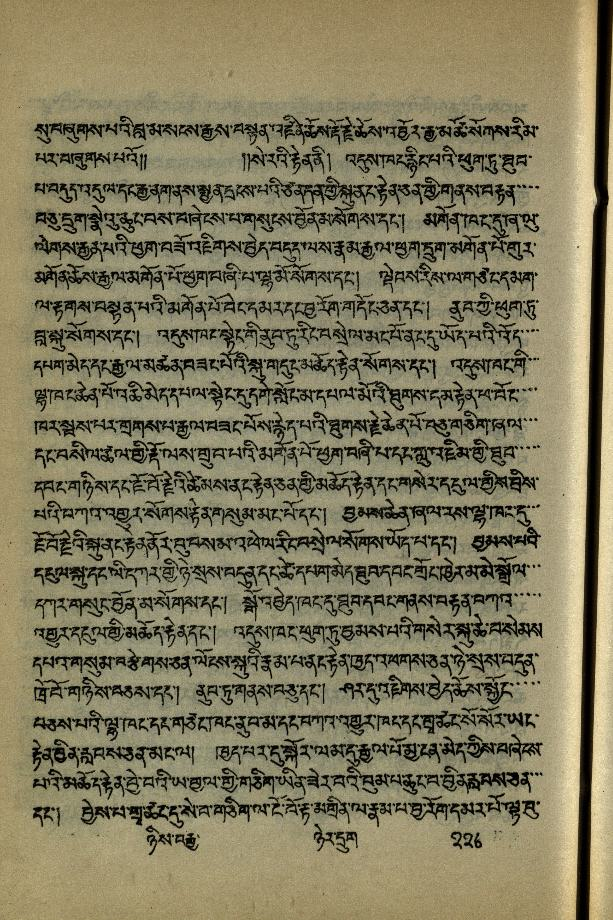སུ་བཞུགས་པའི་བླ་མ་སངས་རྒྱས་བསྟན་འཛིན་ཆོས་རྡོ་རྗེ་ཆོས་འབྱོར་རྒྱ་མཚོ་སོགས་རིམ་
པར་བཞུགས་པའོ།། །།སེ་རའི་རྟེན་ནི། འདུས་ཁང་རྙིང་པའི་ཕུག་ཏུ་ཐུབ་
པ་བདུད་འདུལ་དང་རྒྱ་ནག་ནས་སྤྱན་དྲངས་པའི་ཙན་དན་གྱི་སྐུ་ནང་རྟེན་ཅན་གྱི་གནས་བརྟན་
བཅུ་དྲུག་སྣེའུ་ཆུང་བས་བཞེངས་པ་གསུངས་བྱོན་མ་སོགས་དང་། མགོན་ཁང་དུ་ཞ་ལུ་
ལེགས་རྒྱན་པའི་ཕྱག་བཟོ་འཇིགས་བྱེད་བདུད་ལས་རྣམ་རྒྱལ་ཕྱག་དྲུག་མགོན་པོ་གུར་
མགོན་ཆོས་རྒྱལ་མགོན་པོ་ཕྱག་བཞི་པ་ལྷ་མོ་སོགས་དང་། ལྡེབས་རིས་ལ་གཙང་དམག་
ལ་རྟགས་བསྟན་པའི་མགོན་པོ་བེང་དམར་དང་བྱ་རོག་གདོང་ཅན་དང་། ནུབ་ཀྱི་ཕུག་ཏུ་
བླ་སྐུ་སོགས་དང་། འདུས་ཁང་སྟེང་གི་ནུབ་ཏུ་རིང་བསྲེལ་མང་པོ་ནང་དུ་ཡོད་པའི་འོད་
དཔག་མེད་དང་རྒྱལ་མཚན་བཟང་པོའི་སྐུ་གདུང་མཆོད་རྟེན་སོགས་དང་། འདུས་ཁང་གི་
ལྷ་ཁང་ཆེན་པོ་འཆི་མེད་དཔལ་སྟེང་དུ་དགེ་སློང་མ་དཔལ་མོའི་ཐུགས་དམ་རྟེན་ཕ་བོང་
ཁར་སྦས་པར་གྲགས་པ་རྒྱལ་བཟང་པོས་རྙེད་པའི་ཐུགས་རྗེ་ཆེན་པོ་བཅུ་གཅིག་ཞལ་
དང་བསིལ་ཚལ་གྱི་རྡོ་ལས་གྲུབ་པའི་མགོན་པོ་ཕྱག་བཞི་པ་དང་ཀླུ་འཇིམ་གྱི་ཐུབ་
དབང་གཉིས་དང་ཇོ་བོ་རྗེའི་ཚེམས་ནང་རྟེན་ཅན་གྱི་མཆོད་རྟེན་དང་གསེར་དངུལ་གྱིས་བྲིས་
པའི་བཀའ་འགྱུར་སོགས་རྟེན་གསུམ་མང་པོ་དང་། བྱམས་ཆེན་ཞལ་རས་ལྷ་ཁང་དུ་
ཇོ་བོ་རྗེའི་སྐུ་ནང་རྟེན་ནོར་བུ་བསམ་འཕེལ་རིང་བསྲེལ་སོགས་ཡོད་པ་དང་། བྱམས་པའི་
དངུལ་སྐུ་དང་ལི་དཀར་གྱི་ཉེ་སྲས་བདུན་དང་ཚེ་དཔག་མེད་ཐུབ་དབང་གྲོང་ཁྱེར་མ་མེ་སྒྲོལ་
དཀར་གསུང་བྱོན་མ་སོགས་དང་། སྒོ་འབྱེད་ཁང་དུ་ཐུབ་དབང་གནས་བརྟན་བཀའ་
འགྱུར་དངུལ་གྱི་མཆོད་རྟེན་དང་། འདུས་ཁང་ཕུག་ཏུ་བྱམས་པའི་གསེར་སྐུ་ཆེ་བ་སེམས་
དཔའ་གསུམ་བརྩེགས་ཅན་ལོངས་སྐུའི་རྣམ་པ་ནང་རྟེན་ཁྱད་འཕགས་ཅན་ཉེ་སྲས་བདུན་
ཁྲོ་བོ་གཉིས་བཅས་དང་། ནུབ་ཏུ་གནས་བཅུ་དང་། ཤར་དུ་འཇིགས་བྱེད་ཆོས་སྐྱོང་
བཅས་པའི་ལྷ་ཁང་དང་གཙང་ཁང་ནུབ་མ་དང་བཀའ་འགྱུར་ཁང་དང་གྲྭ་ཚང་སོ་སོར་ཡང་
རྟེན་བྱིན་རླབས་ཅན་མང་ལ། ཁྱད་པར་དུ་སྐོར་ལམ་དུ་རྒྱལ་པོ་མྱ་ངན་མེད་ཀྱིས་བཞེངས་
པའི་མཆོད་རྟེན་བྱེ་བའི་ཡ་གྱལ་གྱི་གཅིག་ཡིན་ཟེར་བའི་བུམ་པ་ཆུང་བ་བྱིན་རླབས་ཅན་
དང་། བྱེས་པ་གྲྭ་ཚང་དུ་སེབ་གཅིག་ལ་ངོ་བོ་རྟ་མགྲིན་ལ་རྣམ་པ་བྱ་རོག་དམར་པོ་ལྟ་བུ་